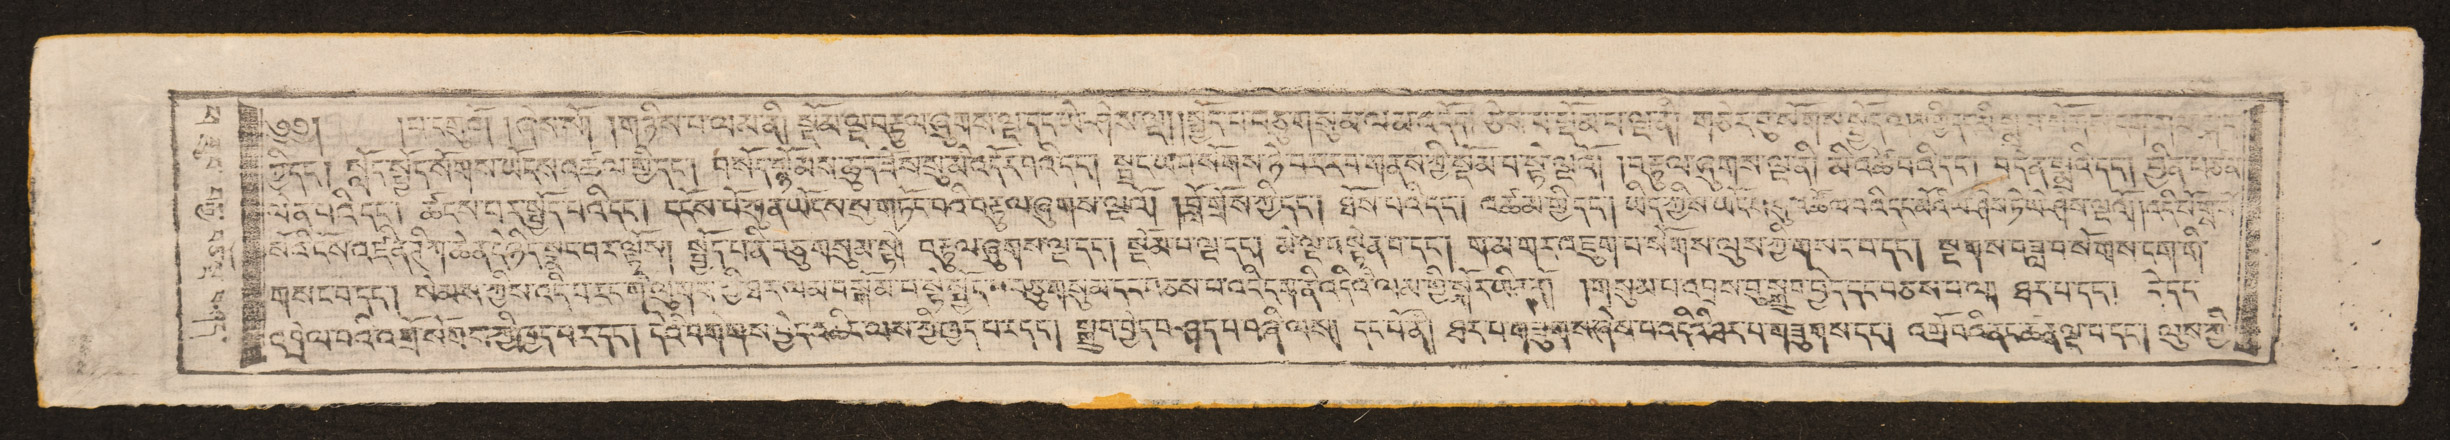༄༅། །པ་དགུའོ། །ཞེས་སོ། །གཉིས་པ་ལམ་ནི། སྡོམ་ལྔ་བརྟུལ་ཞུགས་ལྔ་དང་ཡེ་ཤེས་ལྔ། །སྤྱོད་པ་བཅུ་གསུམ་ལམ་འདོད། ཅེས་པ་སྡོམ་པ་ལྔ་ནི། གཅེར་བུ་སོགས་སྤྱོད་ལམ་གྱི་དང་མི་སྨྲ་བ་སོགས་དགག་མ་སྐད་
ཀྱི་དང་། སློང་སྤྱོད་སོགས་ཡོངས་འཚལ་གྱི་དང་། བསོད་སྙོམས་ཆུད་ཟོས་སུ་མི་འདོར་པའི་དང་། སྦྲང་ཡབ་སོགས་ཉེ་བར་རབ་གནས་ཀྱི་སྡོམ་པ་སྟེ་ལྔའོ། །བརྟུལ་ཞུགས་ལྔ་ནི། མི་འཚེ་བའི་དང་། བདེན་སྨྲའི་དང་། བྱིན་པ་ཙམ་
ལེན་པའི་དང་། ཚངས་པར་སྤྱོད་པའི་དང་། དངོས་པོ་ཀུན་ཡོངས་སུ་གཏོང་བའི་བརྟུལ་ཞུགས་ལྔའོ། །བློ་གྲོས་ཀྱི་དང་། ཐོས་པའི་དང་། འཚམ་གྱི་དང་། ཡིད་ཀྱིས་ཡོངས་སུ་འཚོལ་བའི་དང་མོའི་ཡེ་ཤེས་ཏེ་ཡེ་ཤེས་ལྔའོ། །འདི་སོགས་སོ་
སོའི་ངོས་འཛིན་ཊིཀ་ཆེན་དེ་ཉིད་སྣང་བར་ལྟོས། སྤྱོད་པ་ནི་བཅུ་གསུམ་སྟེ། བརྟུལ་ཞུགས་ལྔ་དང་། སྡོམ་པ་ལྔ་དང་། མེ་ལྔ་བསྟེན་པ་དང་། ག་མ་གར་འཇུག་པ་སོགས་ལུས་ཀྱི་གསང་བ་དང་། སྔགས་བཟླ་བ་སོགས་དག་གི་
གསང་བ་དང་། སེམས་ཀྱིས་འདི་བ་རང་གི་ལུགས་ཀྱི་ཐར་ལམ་བསྒོམ་པ་སྟེ་སྦྱོད་པ་བཅུ་གསུམ་དང་བཅས་པ་འདི་དག་ནི་འདིའི་ལམ་གྱི་སྐོར་ཡིན་ནོ། །གསུམ་པ་འབྲས་བུ་སྒྲུབ་བྱེད་དང་བཅས་པ་ལ། ཐད་པ་དད། དེ་དང་
འབྲེལ་བའི་འགྲོ་སོགས་ཀྱི་ཁྱད་པར་དང་། དེའི་བགེགས་བྱེད་འཆིང་ལས་ཀྱི་ཁྱད་བར་དང་། སྒྲུབ་བྱེད་བཤད་པ་བཞི་ལས། དང་པོ་ནི། ཐར་པ་གཟུགས་ཞེས་པ་འདིའི་ཐར་པ་གཟུགས་དང་། འགྲོ་བའི་ནང་ཚན་ལྔ་བ་དང་། ལུས་ཀྱི་